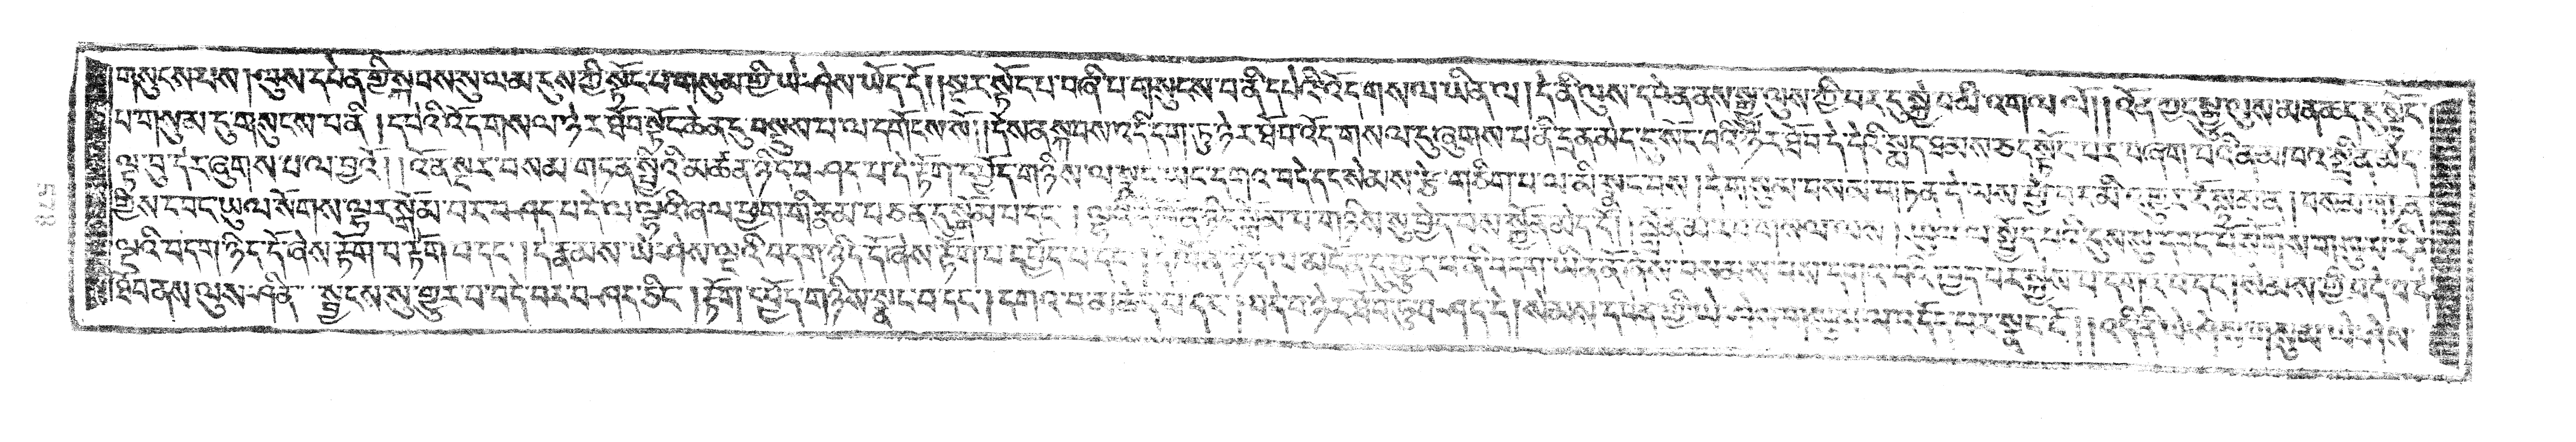གསུངས་པས། ལུས་དབེན་གྱི་སྐབས་སུ་ལམ་དུས་ཀྱི་སྟོང་བ་གསུམ་གྱི་ཡེ་ཤེས་ཡོད་དོ། །སྔར་སྟོང་པ་བཞི་པ་གསུངས་པ་ནི་དཔེའི་འོད་གསལ་ཡིན་ལ། དེ་ནི་ལུས་དབེན་ནས་སྒྱུ་ལུས་ཀྱི་བར་དུ་སྐྱེ་བ་མི་འགལ་ལོ། །འོན་ཀྱང་སྒྱུ་ལུས་མན་ཆད་དུ་སྟོང་
པ་གསུམ་དུ་གསུངས་པ་ནི། དཔེའི་འོད་གསལ་ཉེར་ཐོབ་སྟོང་ཆེན་དུ་བསྡུས་པ་ལ་དགོངས་སོ། །དེས་ན་སྐབས་འདི་དག་ཏུ་ཉེར་ཐོབ་འོད་གསལ་དུ་ཞུགས་པ་ནི་དྲན་མེད་དུ་སོང་བའི་ཉེར་ཐོབ་དེ་དེའི་སྨད་ཐམས་ཅད་སྟོང་པར་བཞག་པའི་ནམ་མཁའ་སྤྲིན་མེད་
ལྟ་བུ་དེར་ཞུགས་པ་ལ་བྱའོ། །འོ་ན་སྔར་བསམ་གཏན་སྤྱིའི་མཚན་ཉིད་བཤད་པ་དེ་རྟོག་དཔྱོད་གཉིས་ལ་སྣང་ཡང་དགའ་བདེ་དང་སེམས་རྩེ་གཅིག་པ་ལ་མི་སྣང་བས། དེ་གསུམ་བསམ་གཏན་དེ་ལས་ཕྱེ་བར་མི་འགྱུར་རོ་སྙམ་ན། བསམ་གཏན་
གྱིས་དབང་པོ་ཡུལ་སོགས་ལྷར་སྒོམ་པར་བཤད་པ་དེ་ལ་ལྷའི་ཞལ་ཕྱག་གི་རྣམ་པ་ཅན་དུ་སྒོམ་པ་དང་། ལྷའི་དེ་ཁོ་ན་ཉིད་སྒོམ་པ་གཉིས་སུ་བྱེད་པས་སྐྱོན་མེད་དོ། །སྒྲོན་མ་རབ་གསལ་ལས། ཡུལ་ལ་སྤྱོད་པའི་དུས་སུ་དབང་པོ་སོགས་གསུམ་རིཌ་
ལྔའི་བདག་ཉིད་དོ་ཞེས་རྟོག་པ་རྟོག་པ་དང་། ད་རྣམས་ཡེ་ཤེས་ལྔའི་བདག་ཉིད་དོ་ཞེས་རྟོག་པ་དཔྱོད་པ་དང་། དེ་ཁོ་ན་ཉིད་ལ་མངོན་དུ་གྱུར་པ་ནི་བདག་ཡིན་ནོ་ཞེས་བསམས་པས་དགའ་བའི་ཁྱད་པར་སྐྱེས་པ་དགའ་བ་དང་། སེམས་གྱི་བདེ་བ་དེ་
ཐོབ་ནས་ལུས་ཤིན་སྦྱངས་སུ་གྱུར་བ་བདེ་བར་བཤད་ཅིང་། རྟོག་དཔྱོད་གཉིས་སྣང་བ་དང་། དགའ་བ་མཆེད་པ་དང་། བདེ་བ་ཉེར་ཐོབ་ཏུ་བཤད་དེ། སེམས་དབེན་གྱི་ཡེ་ཤེས་གསུམ་ལ་འདོད་པར་སྣང་ངོ། །འདི་ནི་ཡེ་ཤེས་གསུམ་ཡེ་ཤེས་